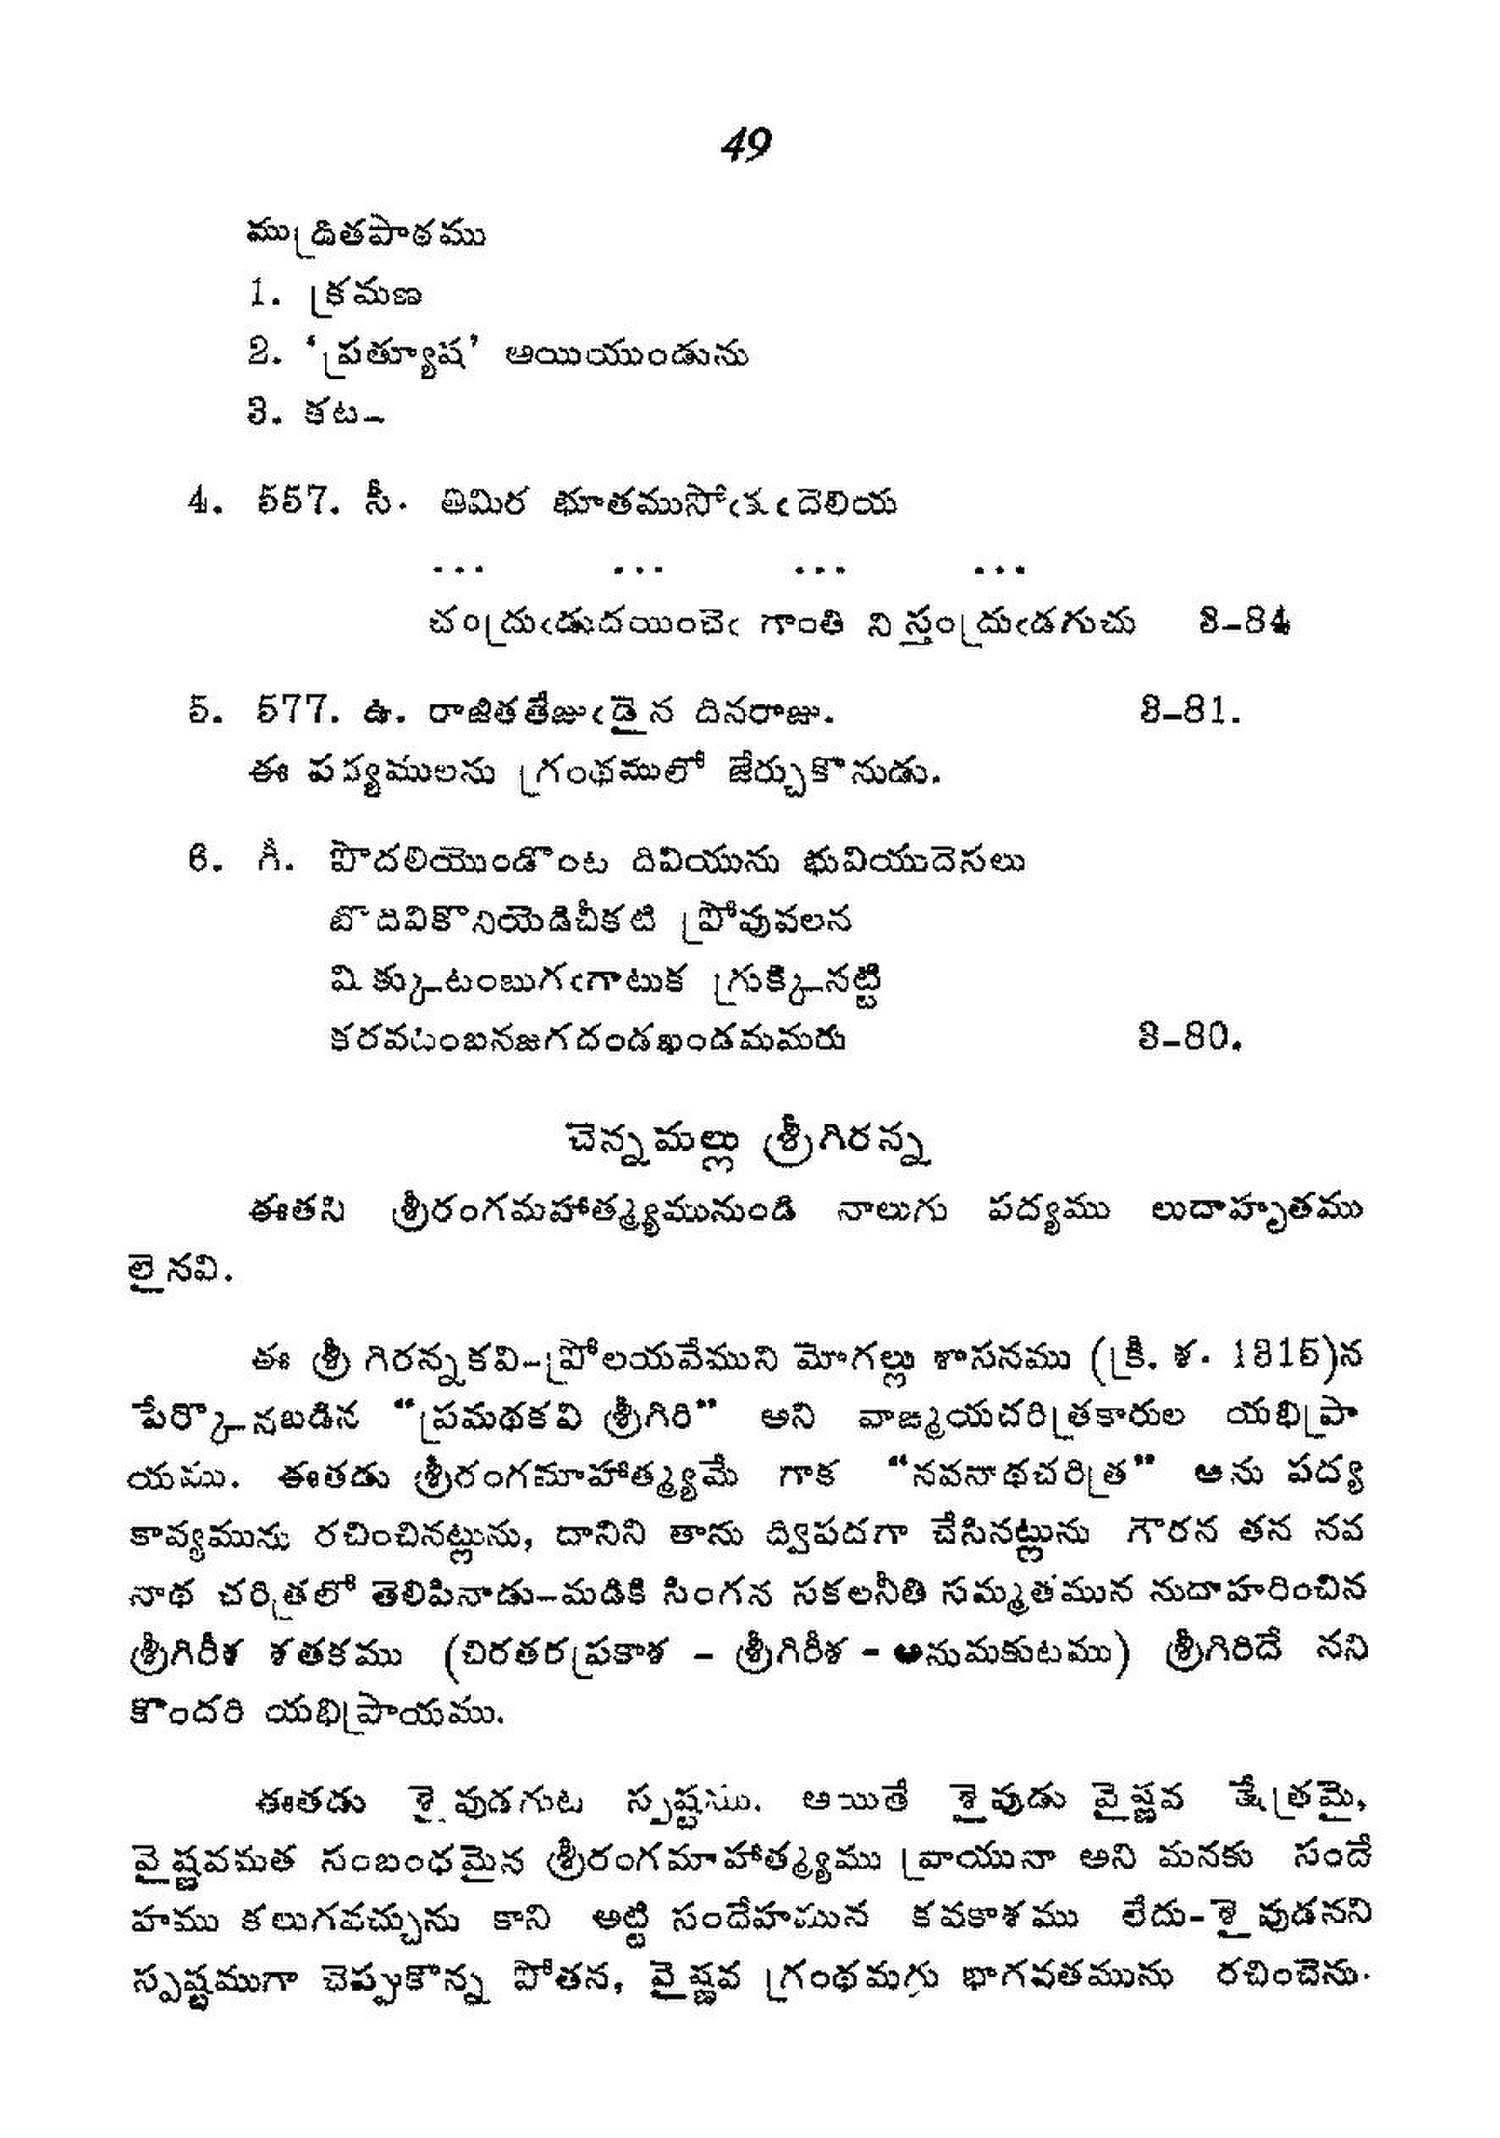ముద్రితపాఠము
1. క్రమణ
2. 'ప్రత్యూష' అయియుండును
3. కట-
4. 557. సీ. తిమిర భూతముకుదెలియ
..... ...... ........ .........
చంద్రుఁడుదయించెఁ గాంతి నిస్తంద్రుఁడగుచు 8-84
5. 577. ఉ. రాజిత తేజుఁడైన దీనరాజు. 8-81.
ఈ పద్యములను గ్రంథములో జేర్చుకొనుడు.

6. గీ. పొదలియొండొంట దివియును భువియుదెసలు
బొదివి కొనియెడిచీకటి ప్రోవువలన
మిక్కుటంబుగఁగాటుక గ్రుక్కినట్టి
కరవటంబనజగదండఖండమమరు ......................3-80. .

ఈతని శ్రీరంగమహాత్మ్యమునుండి నాలుగు పద్యము లుదాహృతము లైనవి.

ఈ శ్రీ గిరన్నకవి-ప్రోలయవేముని మోగల్లు శాసనము (క్రీ. శ. 1815)న
పేర్కొనబడిన "ప్రమథకవి శ్రీగిరి" అని వాజ్మయచరిత్రకారుల యభిప్రా
యము. ఈతడు శ్రీరంగనూహాత్మ్యమే గాక “నవనాథచరిత్ర" అను పద్య
కావ్యమును రచించినట్లును, దానిని తాను ద్విపదగా చేసినట్లును గౌరన తన నవ
సౌథ చరిత్రలో తెలిపినాడు-మడికి సింగన సకలనీతి సమ్మతమున నుదాహరించిన
శ్రీగిరీశ శతకము (చిరతరప్రకాశ - శ్రీగిరీశ - అనుమకుటము) శ్రీగిరిదే నని
కొందరి యభిప్రాయము.

ఈతడు , శైవుడగుట స్పష్టము. ఆయితే శైవుడు వైష్ణవ క్షేత్రమై,
వైష్ణవమత సంబంధమైన శ్రీరంగమాహాత్మ్యము వ్రాయునా అని మనకు సందే
హము కలుగవచ్చును కాని అట్టి సందేహమున కవకాశము లేదు- శైవుడనని
స్పష్టముగా చెప్పుకొన్న పోతన, వైష్ణవ గ్రంథమగు భాగవతమును రచించెను.